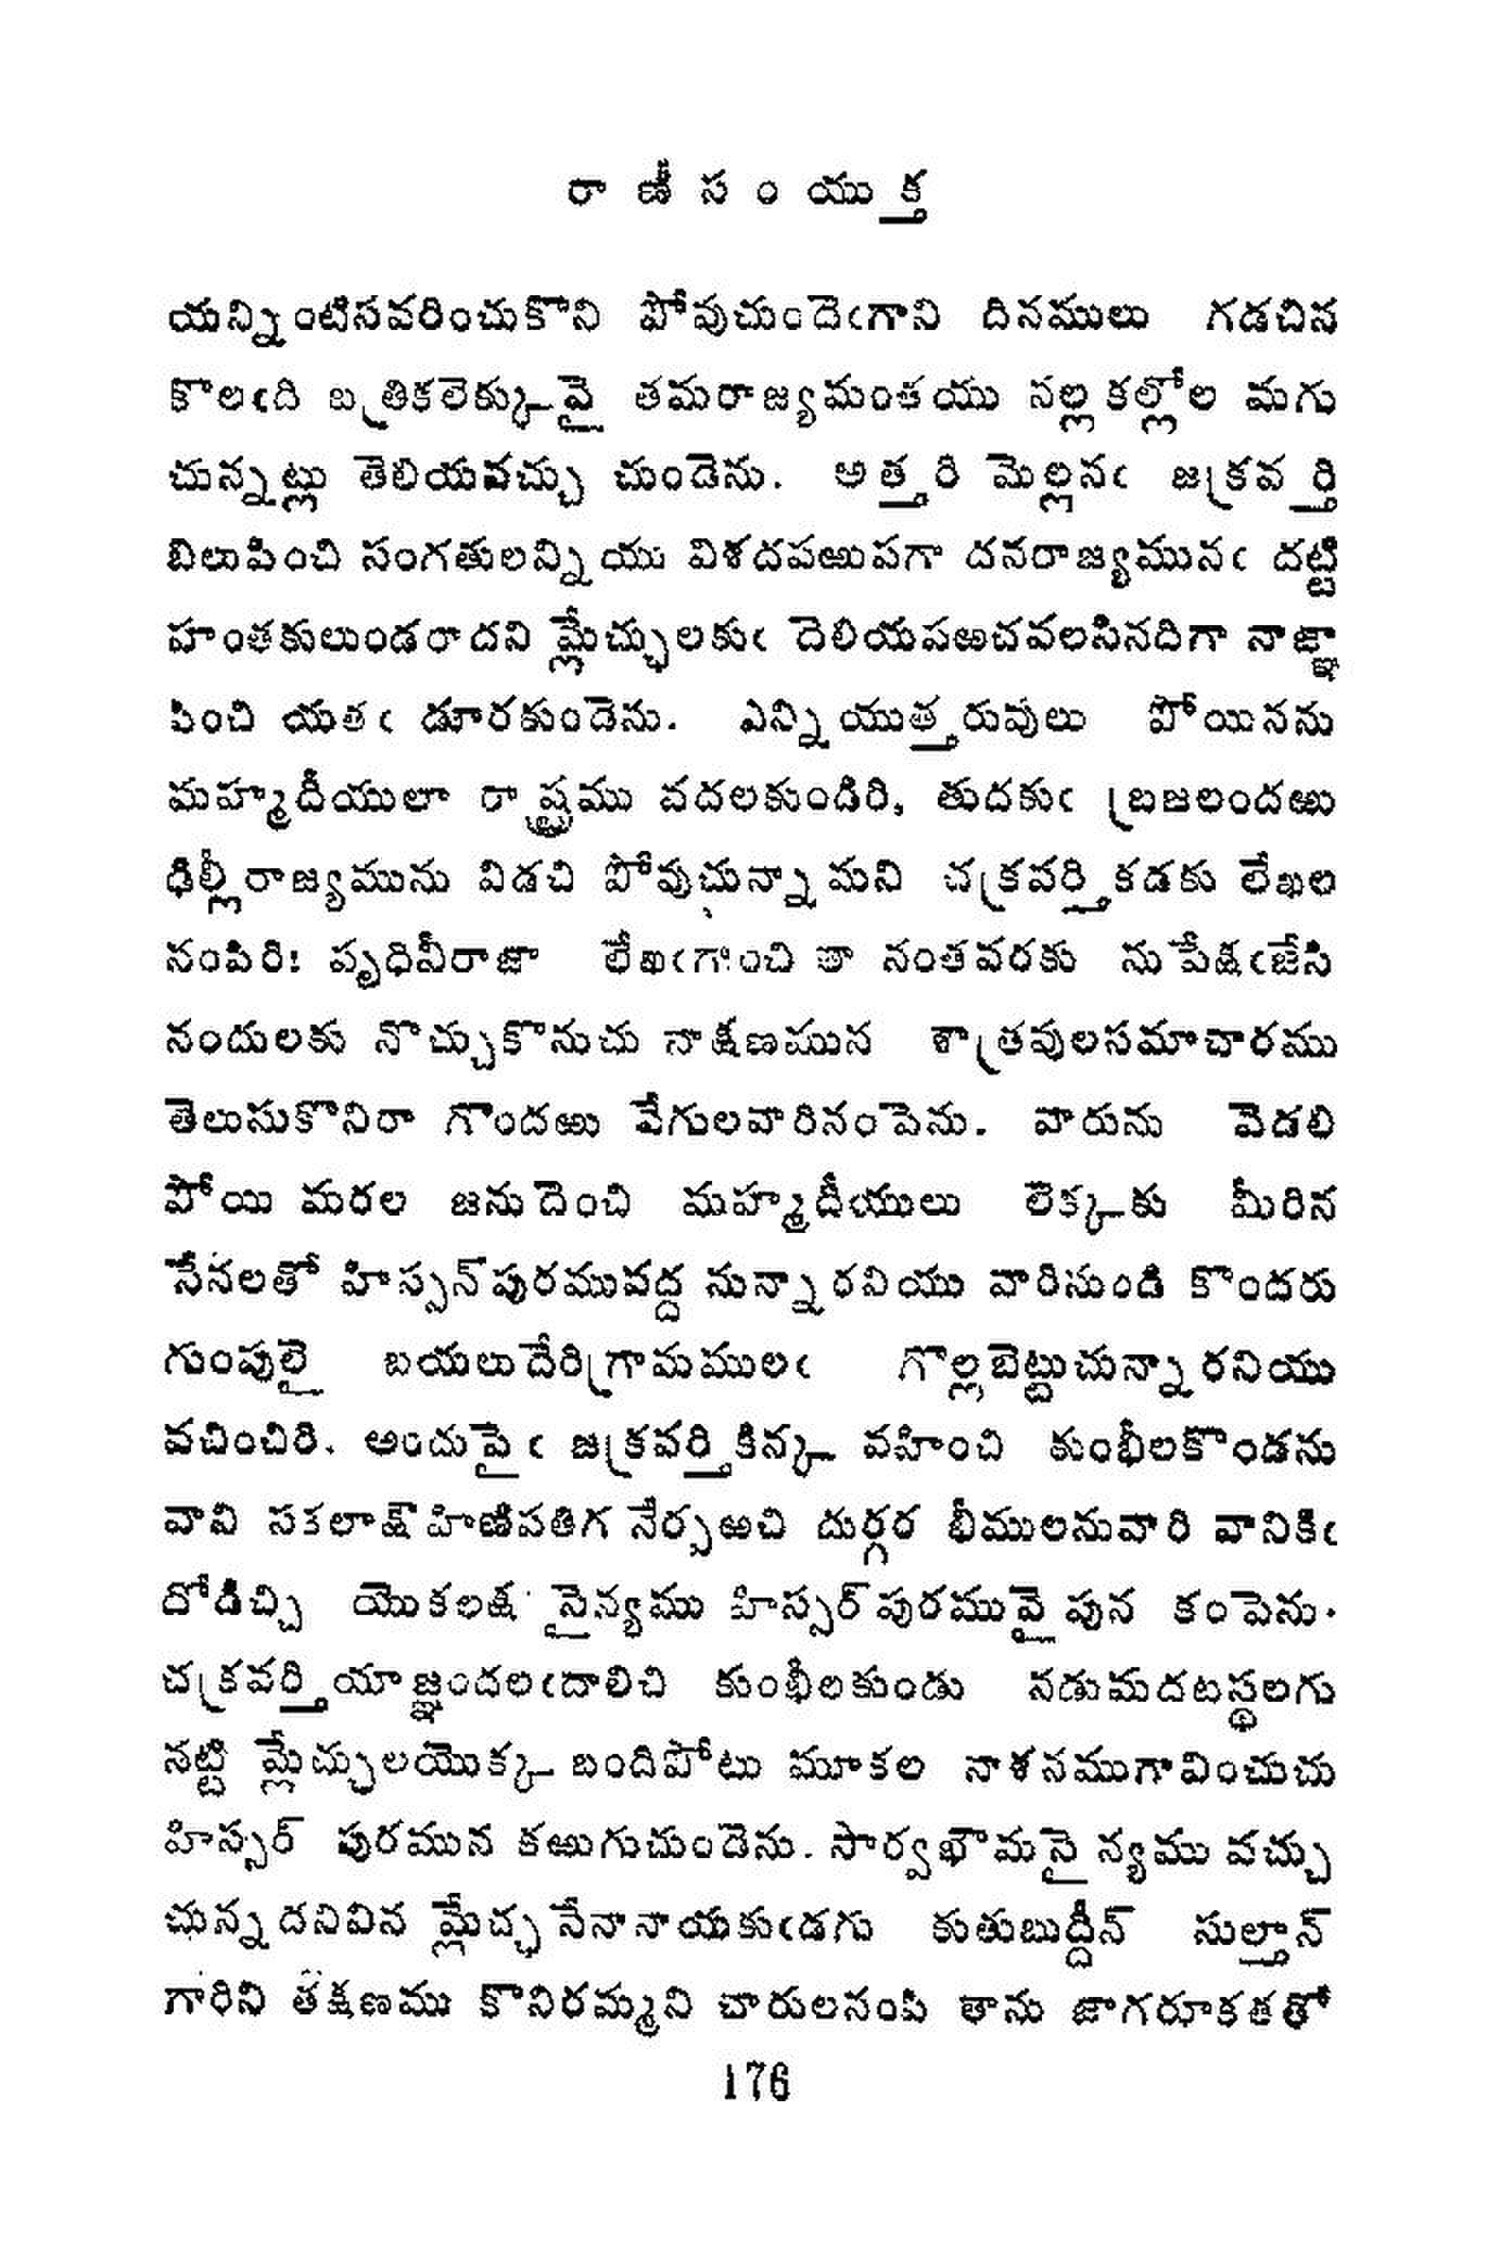యన్నింటిసవరించుకొని పోవుచుండెఁగాని దినములు గడచిన కొలఁది బత్రికలెక్కువై తమరాజ్యమంతయు నల్లకల్లోల మగుచున్నట్లు తెలియవచ్చు చుండెను. అత్తరి మెల్లనఁ జక్రవర్తి బిలుపించి సంగతులన్నియు విశదపఱుపగా దనరాజ్యమునఁ దట్టి హంతకులుండరాదని మ్లేచ్ఛులకుఁ దెలియ పఱచవలసినదిగా నాజ్ఞాపించి యతఁ డూరకుండెను. ఎన్నియుత్తరువులు పోయినను మహ్మదీయులా రాష్ట్రము వదలకుండిరి, తుదకుఁ బ్రజలందఱు ఢిల్లీరాజ్యమును విడచి పోవుచున్నామని చక్రవర్తి కడకు లేఖల సంపిరి: పృధివీరాజా లేఖఁగాంచి తా నంతవరకు నుపేక్షఁజేసి నందులకు నొచ్చుకొనుచు నాక్షణమున శాత్రవులసమాచారము తెలుసుకొనిరా గొందఱు వేగులవారినంపెను. వారును వెడలిపోయి మరల జనుదెంచి మహ్మదీయులు లెక్కకు మీరిన సేనలతో హస్సన్‌పురమువద్ద నున్నారనియు వారినుండి కొందరు గుంపులై బయలుదేరిగ్రామములఁ గొల్లబెట్టుచున్నారనియు వచించిరి. అందుపైఁ జక్రవర్తికిన్క వహించి కుంభీలకొండను వాని సకలాక్షౌహిణీపతిగ నేర్చఱచి దుర్గర భీములనువారి వానికిఁ దోడిచ్చి యొకలక్ష సైన్యము హిస్సర్‌ పురమువైపున కంపెను. చక్రవర్తి యాజ్ఞందలఁదాలిచి కుంభీలకుండు నడుమదటస్థలగు నట్టి మ్లేచ్చులయొక్క బందిపోటు మూకల నాశనముగావించుచు హిస్సర్ పురమున కఱుగుచుండెను. సార్వభౌమసైన్యము వచ్చు చున్నదనివిన మ్లేచ్ఛసేనానాయకుఁడగు కుతుబుద్దీన్ సుల్తాన్ గారిని తక్షణము కొనిరమ్మని చారులనంపి తాను జాగరూకతతో